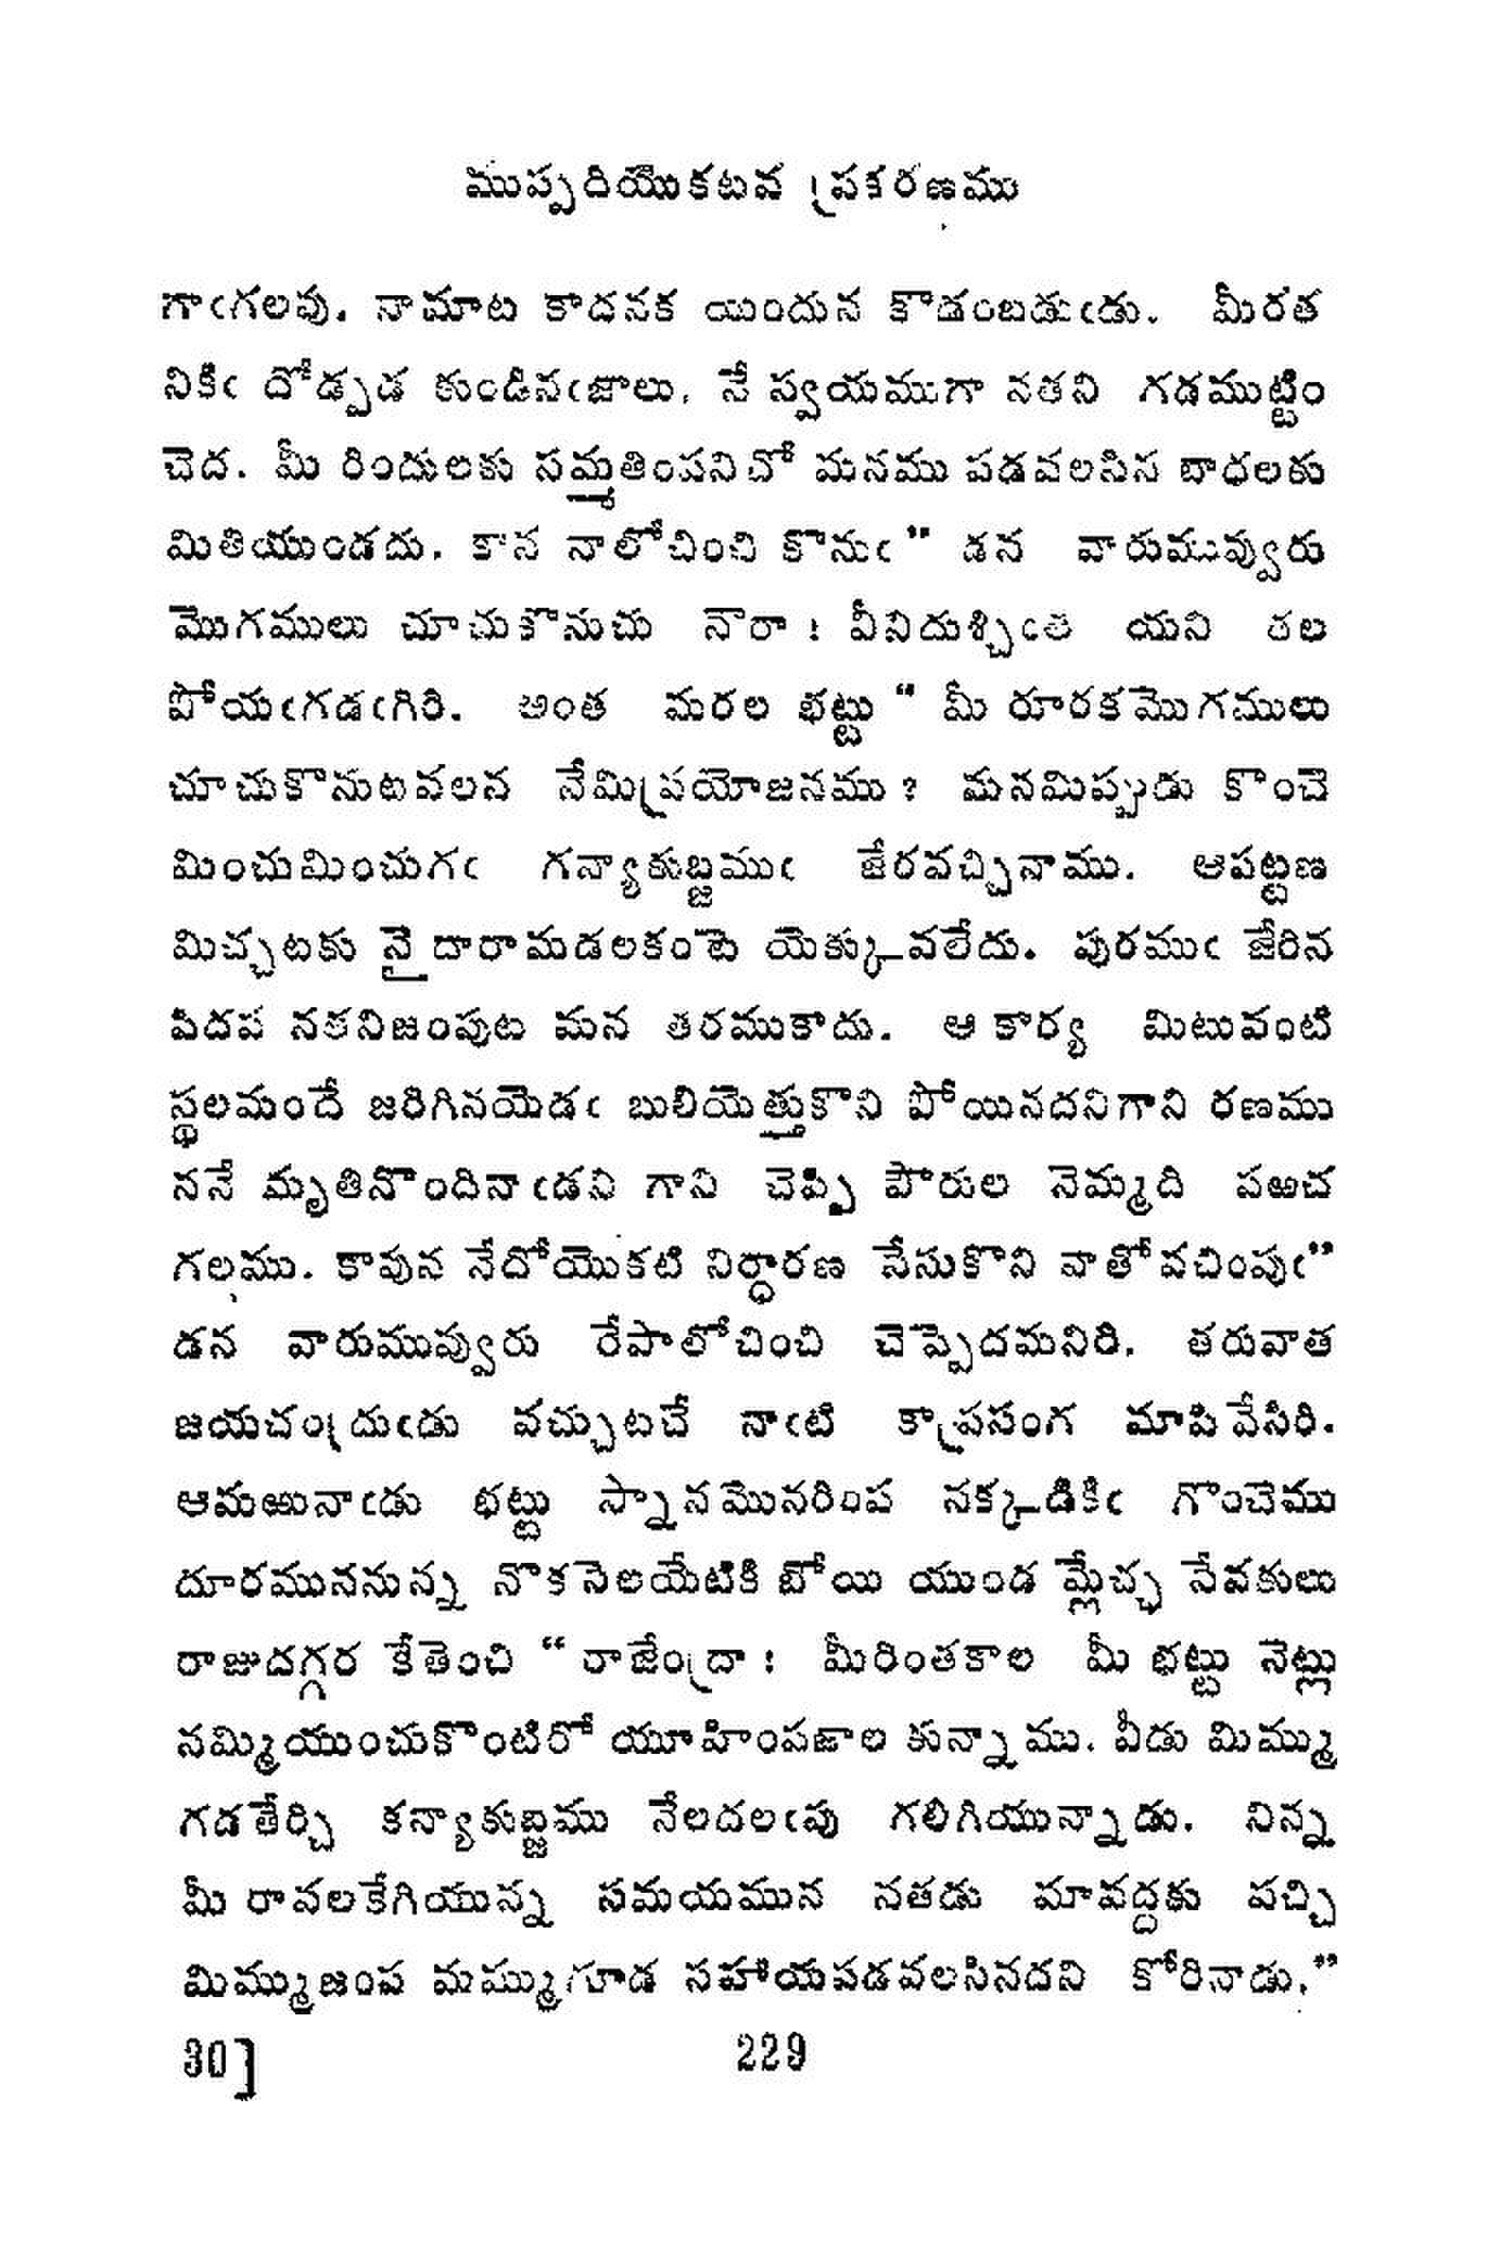గాఁగలవు. నామాట కాదనక యిందున కొడంబడుఁడు. మీరతనికిఁ దోడ్పడ కుండినఁజాలు. నే స్వయముగా నతని గడముట్టించెద. మీ రిందులకు సమ్మతింపనిచో మనము పడవలసిన బాధలకు మితియుండదు. కాన నాలోచించి కొనుఁ" డన వారుమువ్వురు మొగములు చూచుకొనుచు నౌరా ! వీనిదుశ్చింత యని తల పోయఁగడగిరి. అంత మరల భట్టు " మీ రూరకమొగములు చూచుకొనుటవలన నేమిప్రయోజనము ? మనమిప్పుడు కొంచె మించుమించుగఁ గన్యాకుబ్జముఁ జేరవచ్చినాము. ఆపట్టణ మిచ్చటకు నైదారామడలకంటె యెక్కువలేదు. పురముఁ జేరిన పిదప నతనిజంపుట మన తరముకాదు. ఆ కార్య మిటువంటి స్థలమందే జరిగినయెడఁ బులియెత్తుకొని పోయినదనిగాని రణముననే మృతినొందినాఁడని గాని చెప్పి పౌరుల నెమ్మది పఱచ గలము. కావున నేదోయొకటి నిర్ధారణ సేసుకొని నాతో వచింపు" డన వారుమువ్వురు రేపాలోచించి చెప్పెదమనిరి. తరువాత జయచంద్రుడు వచ్చుటచే నాఁటి కాప్రసంగ మాపివేసిరి. ఆమఱునాఁడు భట్టు స్నానమొనరింప నక్కడికిఁ గొంచెము దూరముననున్న నొకసెలయేటికి బోయి యుండ మ్లేచ్చ సేవకులు రాజుదగ్గర కేతెంచి " రాజేంద్రా ! మీరింతకాల మీ భట్టు నెట్లు నమ్మియుంచుకొంటిరో యూహింపజాల కున్నాము. వీడు మిమ్ము గడతేర్చి కన్యాకుబ్జము నేలదలఁపు గలిగియున్నాడు. నిన్న మీ రావలకేగియున్న సమయమున నతడు మావద్దకు వచ్చి మిమ్ముజంప మమ్ముగూడ సహాయ పడవలసినదని కోరినాడు."